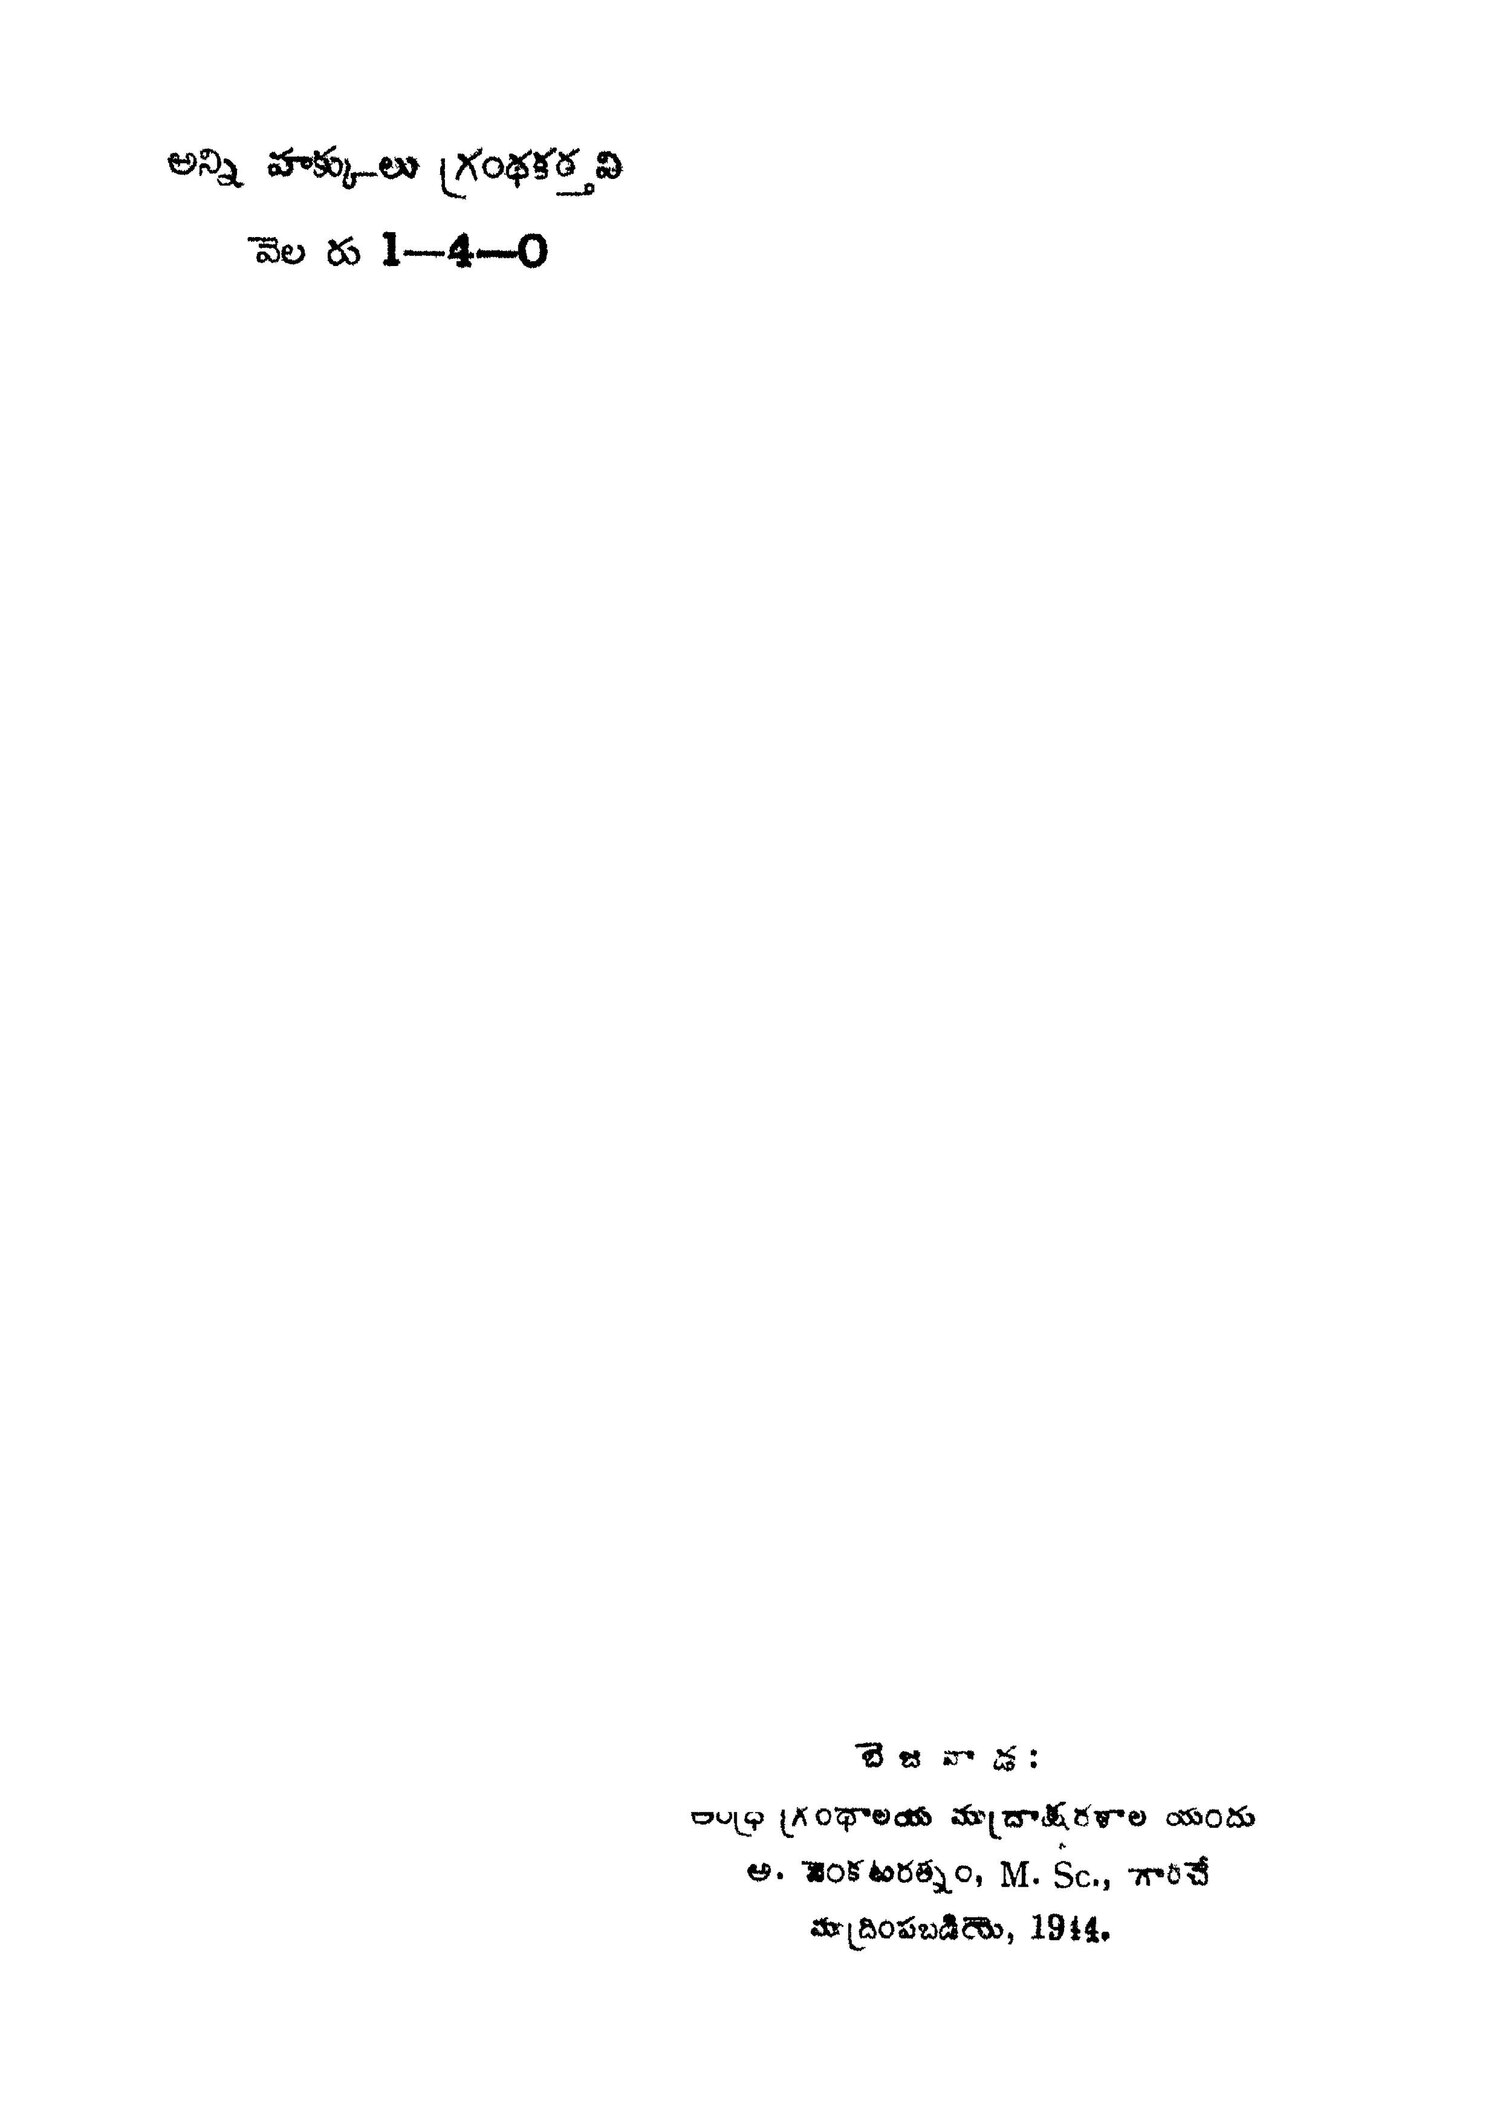అన్ని హక్కులు గ్రంథకర్తవి

వెల రు 1-4-0

బెజవాడ :

ఆంధ్ర గ్రంథాలయ ముద్రాక్షరశాల యందు

అ. వెంకటరత్నం, M. Sc., గారిచే 

ముద్రించబడియె, 1944.